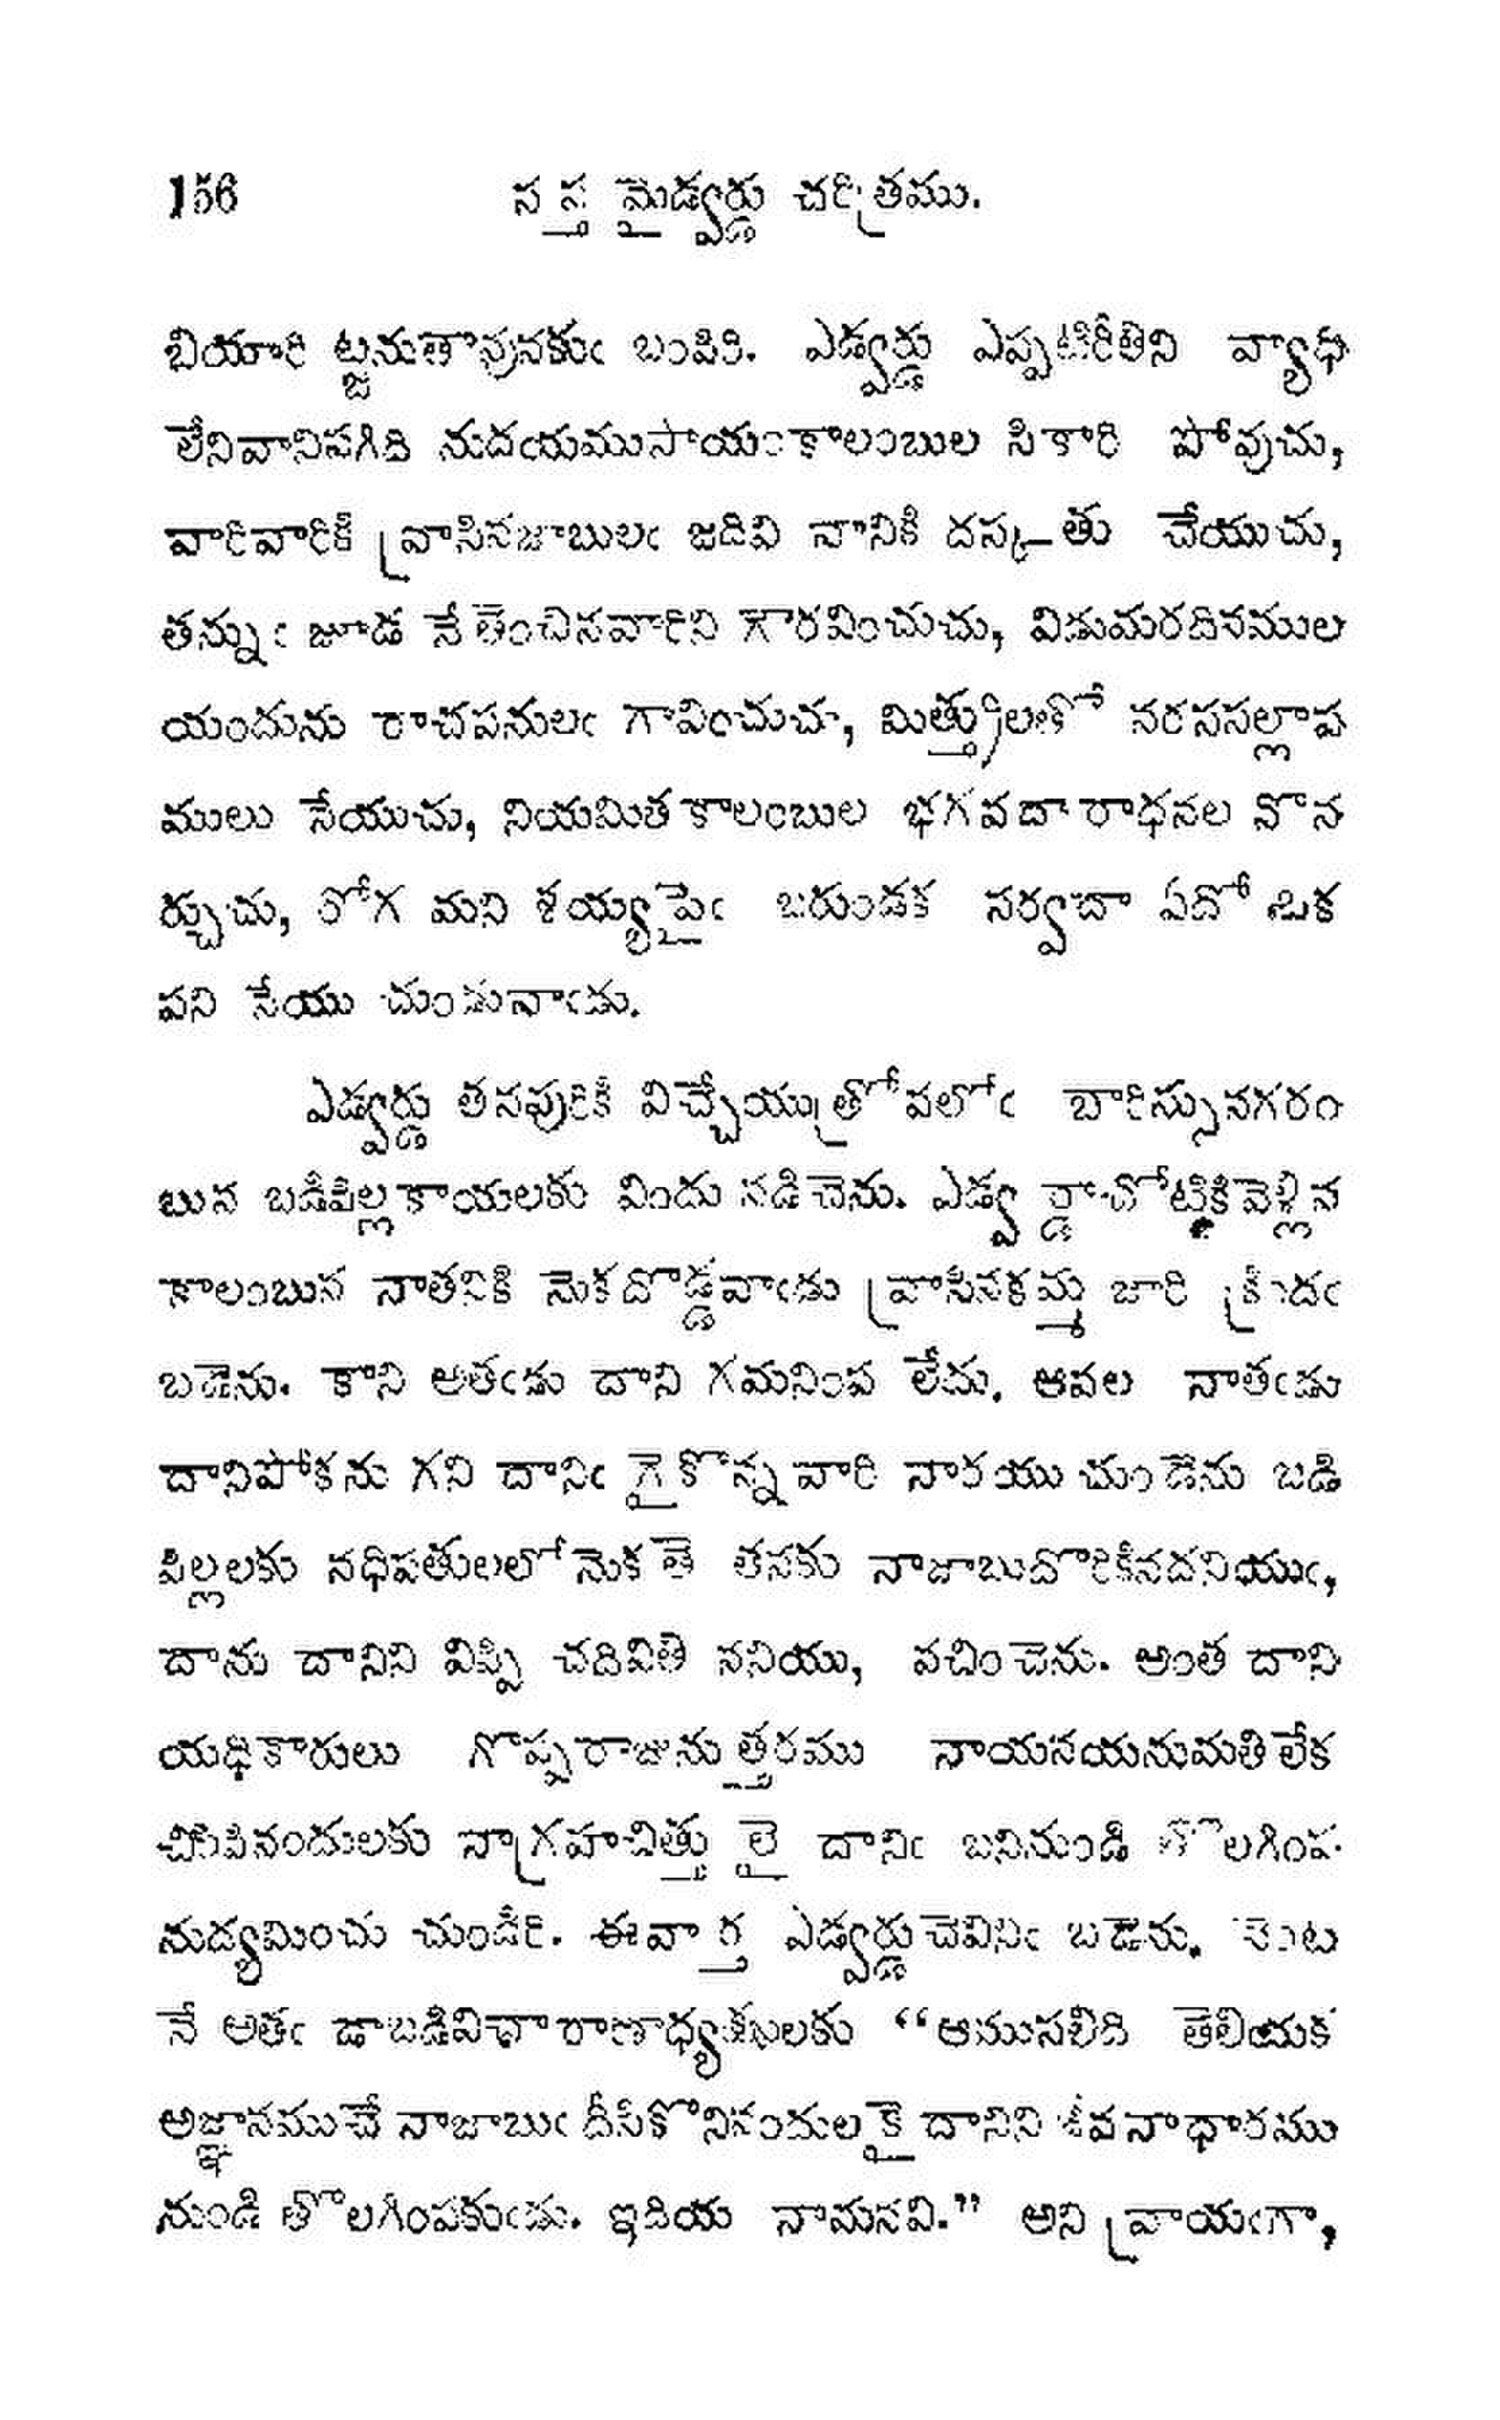బియారిట్జనుతావునకుఁ బంపిరి. ఎడ్వర్డు ఎప్పటి రీతిని వ్యాధి లేని వానిపగిది నుదయము సాయంకాలుబుల సికారి పోవుచు, వారి వారికి వ్రాసిన జూబులఁ జదివి నానికి దస్కతు చేయుచు, తన్ను జూడ నేతెంచిన వారిని గౌరవించుచు, విడుమరదినముల యందును రాచపనులఁ గావించుచు, మిత్రులతో నరససల్లాప ములు సేయుచు, నియమిత కాలంబుల భగవదారాధనల నొన ర్చుచు, రోగ మని శయ్య పై బరుండుక సర్వదా ఏదో ఒక పని సేయు చుండువాడు.

ఎడ్వర్డు తనపురికి విచ్చేయు త్రోవలోఁ బారిస్సు నగరం బుస బడిపిల్ల కాయలకు విందు నడిచెను. ఎడ్వర్డా చోటికి వెళ్లిన కాలంబున నాతనికి ఒక దొడ్డవాడు వ్రాసినకమ్మ జారి క్రింద బడెను. కాని అతఁడు దాని గమనింప లేదు. ఆవల నాతఁడు దానిపోకను గని దానిఁ గైకొన్న వారి నారయు చుండెను బడి పిల్లలకు నధిపతులలో నొకతె తనకు నాజాబు దొరికినదనియుఁ, దాను దానిని విప్పి చదివితి ననియు, వచించెను. అంత దాని యధి కారులు గొప్ప రాజు నుత్తరము నాయనయనుమతి లేక చదివి నందులకు నాగ్రహచిత్తు లై దానిఁ బనినుండి "తొలగింపు నుద్యమించు చుండిరి. ఈ వార్త ఎడ్వర్డు చెవినిఁ బడెను. వెంట నే అతఁ జాబడి విచారాణాధ్యక్షులకు " ఆ ముసలిది తెలియక అజ్ఞానము చే నాజాబుఁ దీసికొనినందుల కై దానిని జీవనాధారము నుండి తొలగింపకుఁడు. ఇదియ నామనవి." అని వ్రాయగా,